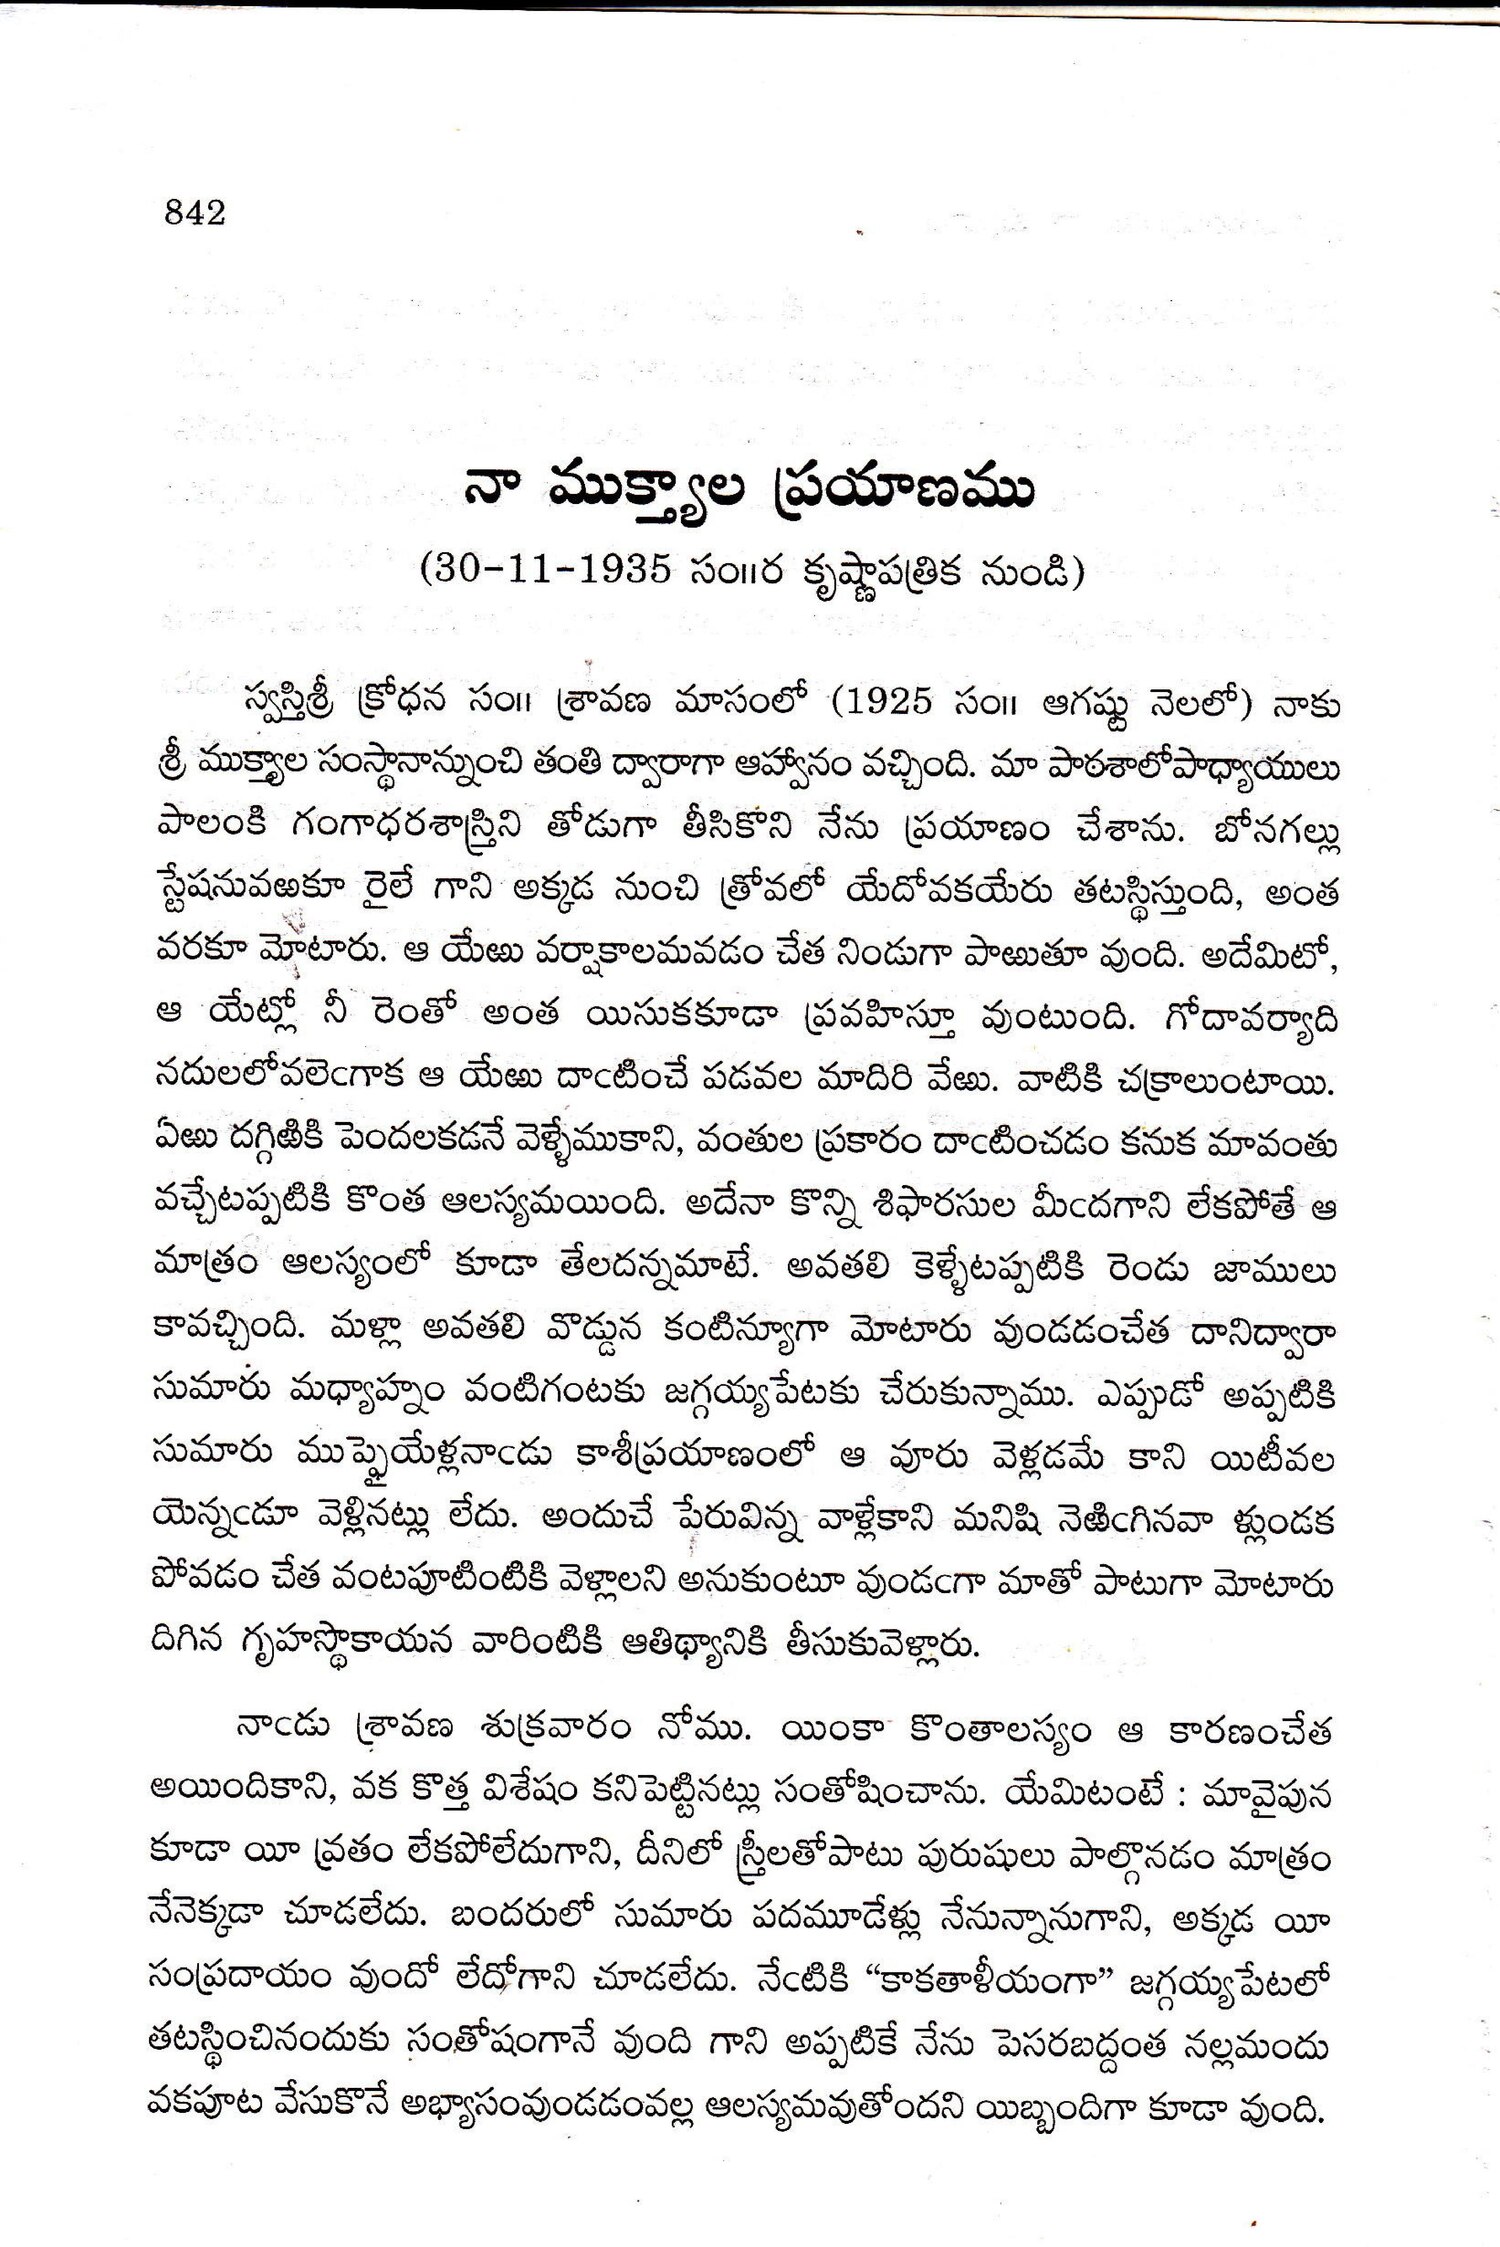నా ముక్త్యాల ప్రయాణము
(30-11-1935 సం||ర కృష్ణాపత్రిక నుండి)

స్వస్తిశ్రీ క్రోధన సం|| శ్రావణ మాసంలో (1925 సం!! ఆగష్టు నెలలో) నాకు శ్రీ ముక్త్యాల సంస్థానాన్నుంచి తంతి ద్వారాగా ఆహ్వానం వచ్చింది. మా పాఠశాలోపాధ్యాయులు పాలంకి గంగాధరశాస్త్రిని తోడుగా తీసికొని నేను ప్రయాణం చేశాను. బోనగల్లు స్టేషనువఱకూ రైలే గాని అక్కడ నుంచి త్రోవలో యేదోవకయేరు తటస్థిస్తుంది, అంత వరకూ మోటారు. ఆ యేఱు వర్షాకాలమవడం చేత నిండుగా పాఱుతూ వుంది. అదేమిటో, ఆ యేట్లో నీ రెంతో అంత యిసుకకూడా ప్రవహిస్తూ వుంటుంది. గోదావర్యాది నదులలోవలెఁగాక ఆ యేఱు దాఁటించే పడవల మాదిరి వేఱు. వాటికి చక్రాలుంటాయి. ఏఱు దగ్గిఱికి పెందలకడనే వెళ్ళేముకాని, వంతుల ప్రకారం దాఁటించడం కనుక మావంతు వచ్చేటప్పటికి కొంత ఆలస్యమయింది. అదేనా కొన్ని శిఫారసుల మీఁదగాని లేకపోతే ఆ మాత్రం ఆలస్యంలో కూడా తేలదన్నమాటే. అవతలి కెళ్ళేటప్పటికి రెండు జాములు కావచ్చింది. మళ్లా అవతలి వొడ్డున కంటిన్యూగా మోటారు వుండడంచేత దానిద్వారా సుమారు మధ్యాహ్నం వంటిగంటకు జగ్గయ్యపేటకు చేరుకున్నాము. ఎప్పుడో అప్పటికి సుమారు ముప్ఫైయేళ్లనాఁడు కాశీప్రయాణంలో ఆ వూరు వెళ్లడమే కాని యిటీవల యెన్నఁడూ వెళ్లినట్లు లేదు. అందుచే పేరువిన్న వాళ్లేకాని మనిషి నెఱిఁగినవా ళ్లుండక పోవడం చేత వంటపూటింటికి వెళ్లాలని అనుకుంటూ వుండంగా మాతో పాటుగా మోటారు దిగిన గృహస్థొకాయన వారింటికి ఆతిథ్యానికి తీసుకువెళ్లారు.

నాఁడు శ్రావణ శుక్రవారం నోము. యింకా కొంతాలస్యం ఆ కారణంచేత అయిందికాని, వక కొత్త విశేషం కనిపెట్టినట్లు సంతోషించాను. యేమిటంటే : మావైపున కూడా యీ వ్రతం లేకపోలేదుగాని, దీనిలో స్త్రీలతోపాటు పురుషులు పాల్గొనడం మాత్రం నేనెక్కడా చూడలేదు. బందరులో సుమారు పదమూడేళ్లు నేనున్నానుగాని, అక్కడ యీ సంప్రదాయం వుందో లేదోగాని చూడలేదు. నేఁటికి “కాకతాళీయంగా” జగ్గయ్యపేటలో తటస్థించినందుకు సంతోషంగానే వుంది గాని అప్పటికే నేను పెసరబద్దంత నల్లమందు వకపూట వేసుకొనే అభ్యాసంవుండడంవల్ల ఆలస్యమవుతోందని యిబ్బందిగా కూడా వుంది.